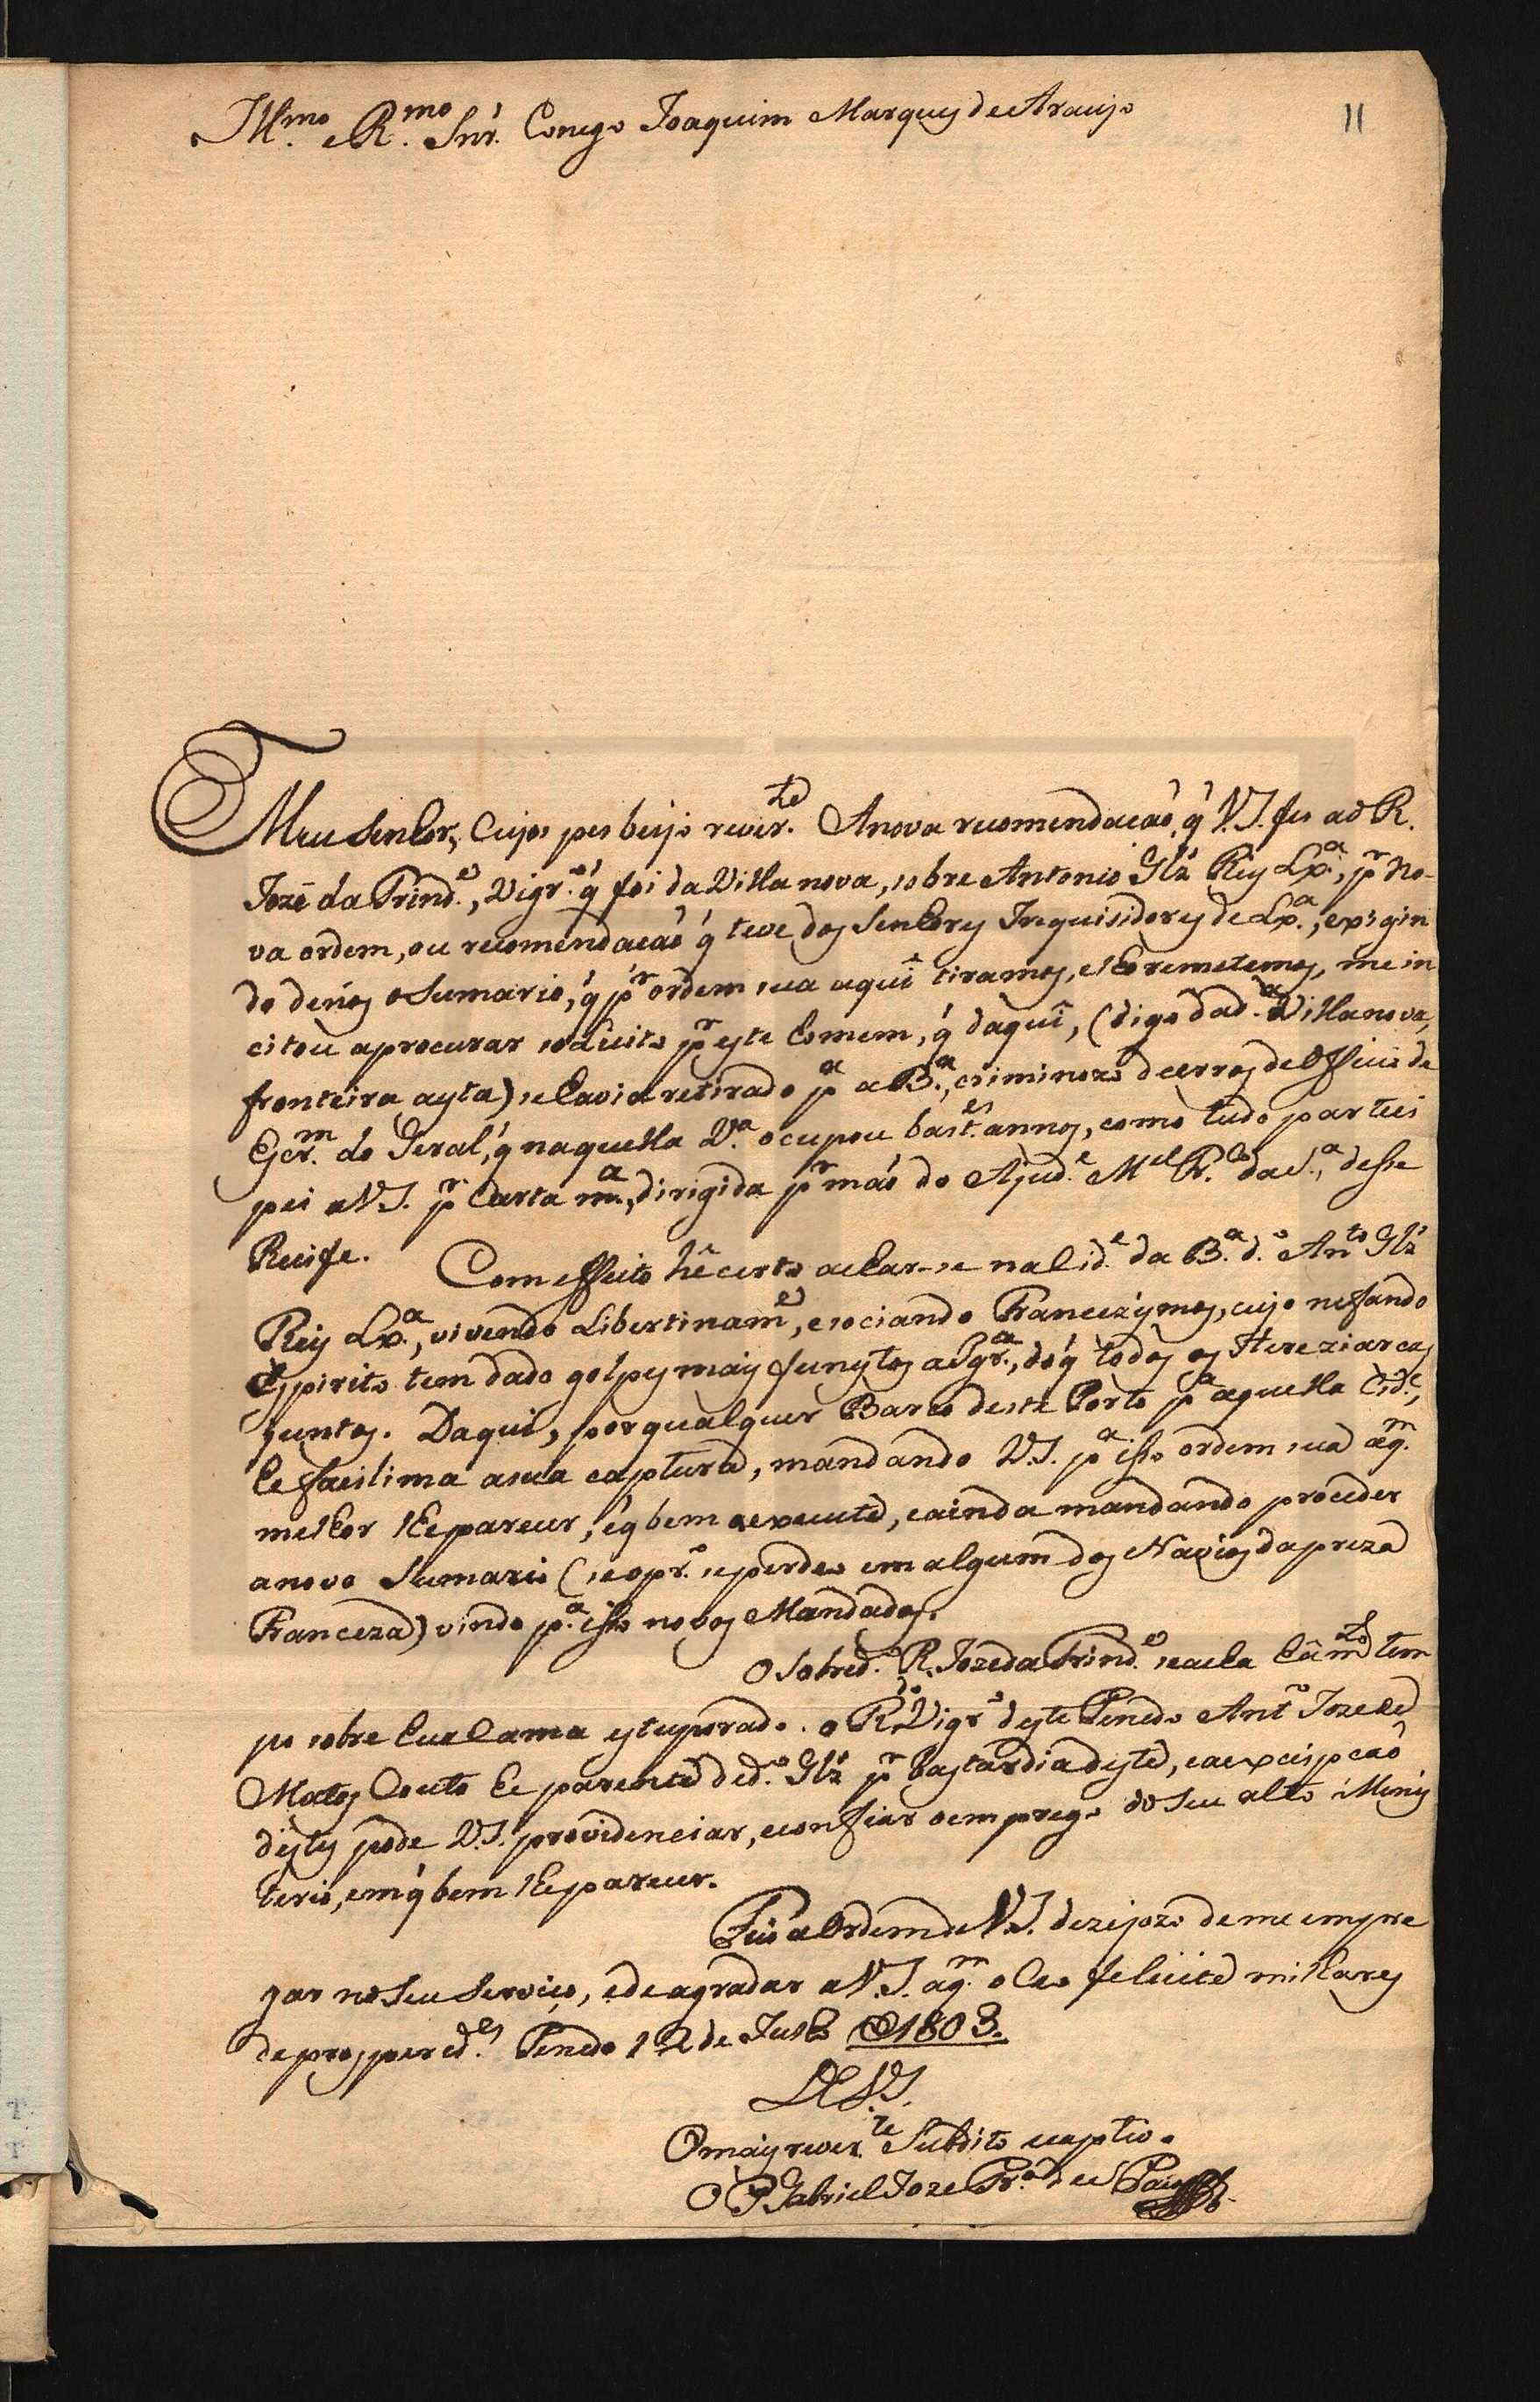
Ill.mo e R.mo Snr̄ Conego Ioaquim Marques de Araujo
Meu Senhor, Cujos pes beijo rever.te A nova recomendaçaõ, q̄ V.S. fes ao R.
Iozé da Trind.e, Vigr.o q̄ foi da Villa nova, sobre Antonio Glz̄ Reis Lx.a, p.r no
va ordem, ou recomendaçaõ q̄ teve dos Senhores Inquisidores de Lx.a, exigin
do de nós o Sumario, q̄ p.r ordem sua aqui tiramos, e lho remetemos, me in
citou a procurar soLicito p.r este homem, q̄ daqui, (digo da d.a Villa nova,
fronteira a esta) se havia retirado p.a a B.a, criminozo de erras de Officio de
Escr.m do Geral, q̄ naquella V.a ocupou bast.es annos, como tudo parteci
pei a V.S. p.r Carta m.a, dirigida p.r mão do Ajud.e M.el Fr.co da S.a, desse
Recife.
Com effeito he certa achar-se na Cid.e da B.a d.o An.to Glz̄
Reis Lx.a, vivendo Libertinam.e, e sociando Francezismos, cujo nefando
Espirito tem dado golpes mais funestos a Igr.a, do q̄ todas as Hereziarcas
juntas. Daqui, por qualquer Barco deste Porto p.a aquella Cid.e,
he facilima a sua captura, mandando V.S. p.a isso ordem sua a q.m
melhor lhe parecer, e q̄ bem a execute, e ainda mandando proceder
a novo Sumario (se o pr.o se perdeo em algum dos Navios da preza
Franceza) vindo p.a isso novos Mandados.
O sobred.o R. Ioze da Trind.e se acha há m.to tem
po sobre hua cama estuporado. o R.do Vigr.o deste Penedo Ant.o Ioze de
Matos Couto he parente de d.o Glz̄ p.r bastardia deste, e a excispçaõ
destes pode V.S. providenciar, e confiar o emprego do Seu alto Menis
terio, em q̄ bem lhe parecer.
Fui a Ordem de V.S. dezejozo de me empre
gar no seu serviço, e de agradar a V.S. a q.m o Ceo felicite milhares
de prospered.es Penedo 12 de Iulho d̄ 1803.
De V.S.
O mais rever.te Subdito e captivo
